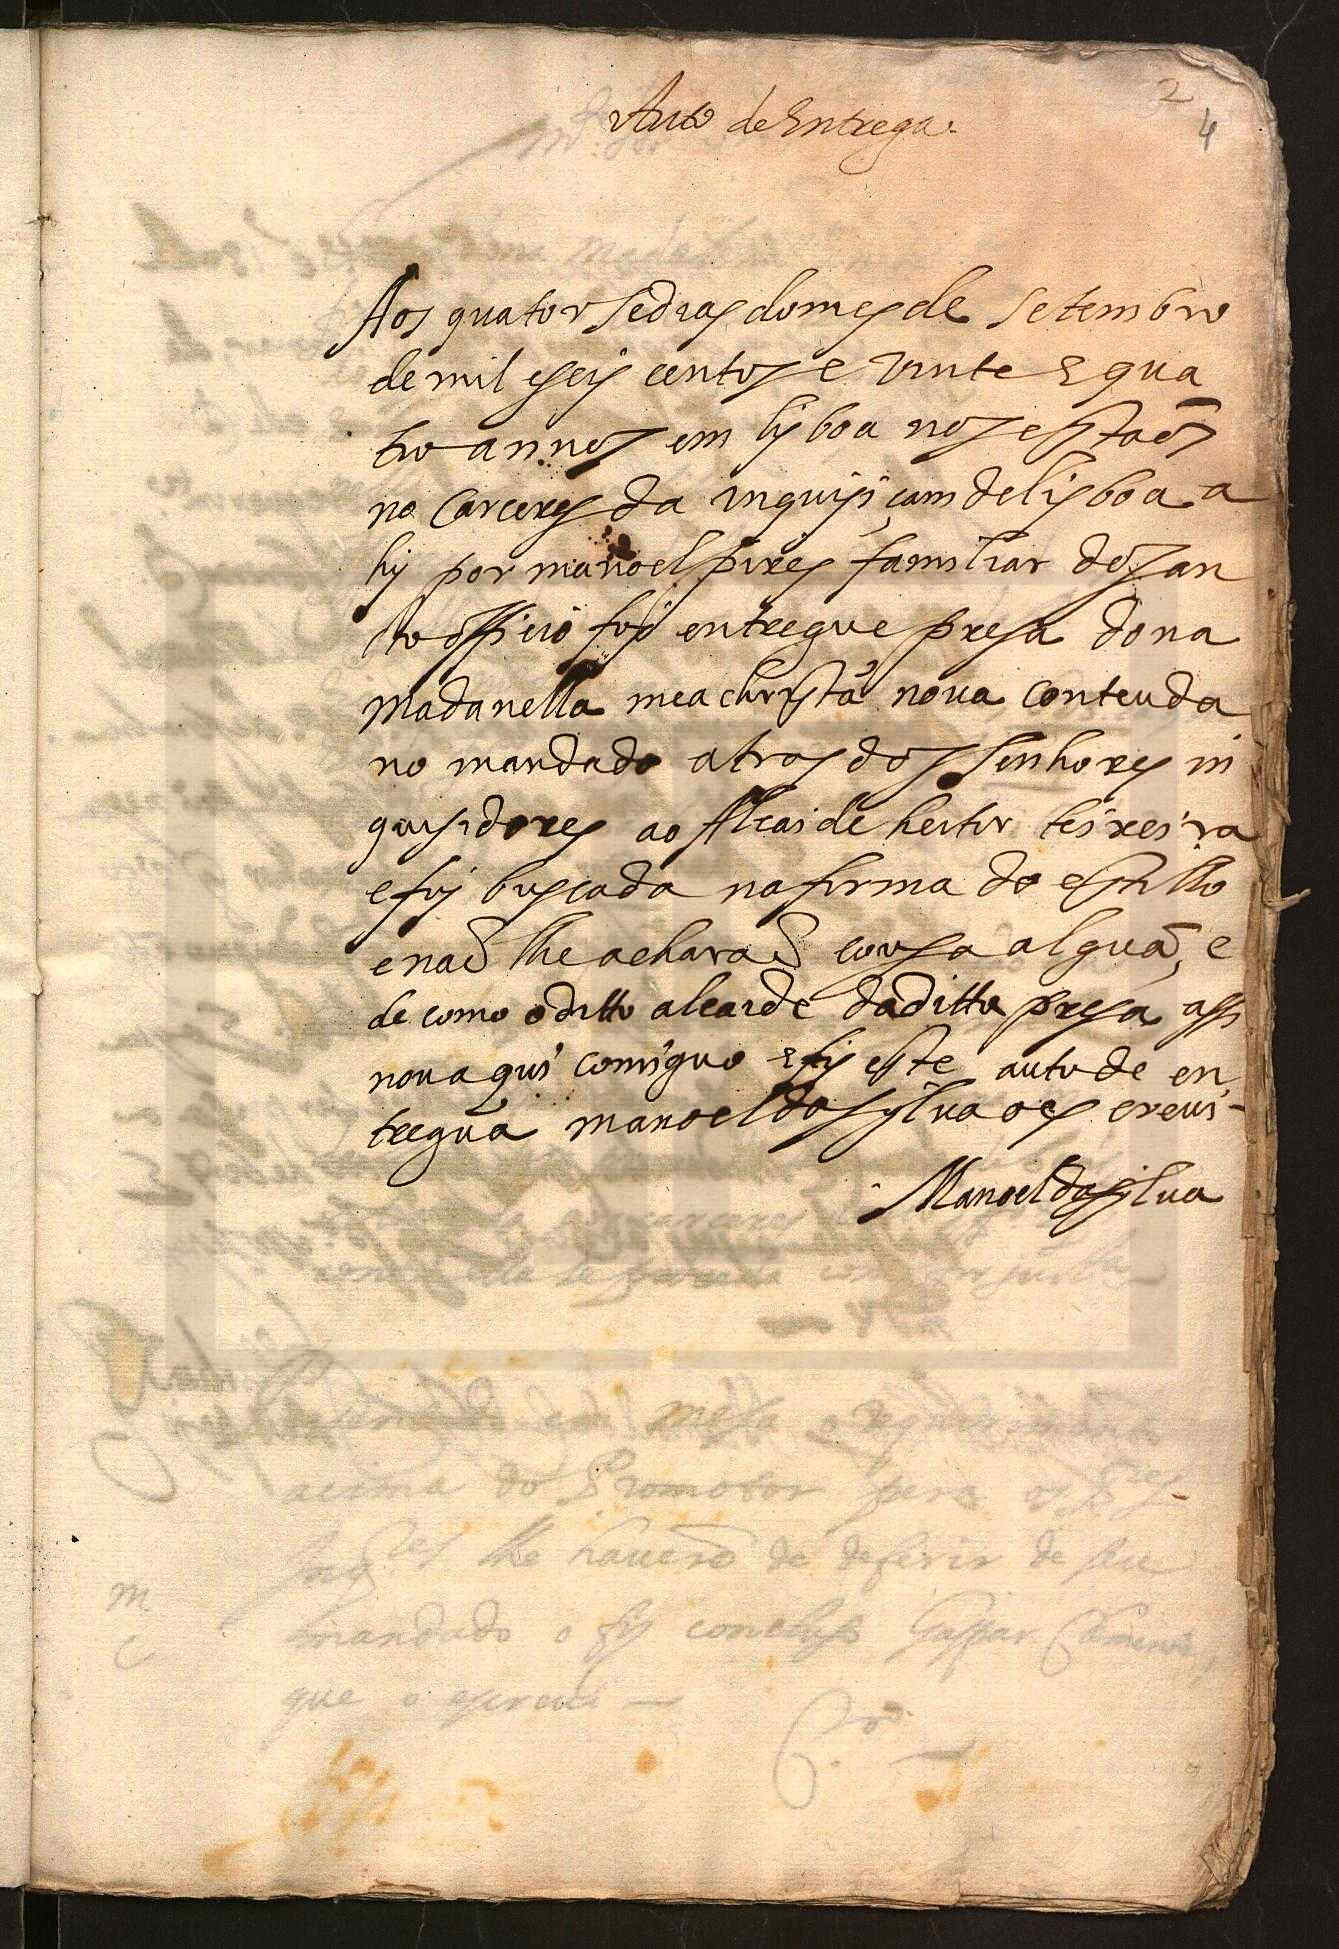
Auto de Entrega.
Aos quatorse dias do mes de setembro
de mil e seiscentos e vinte E qua
tro annos em lisboa nos estaōs
no carceres da inquisiçam de lisboa a
hy por manoel pires familiar do san
cto officio foi entregue presa dona
madanella mea christã noua conteuda
no mandado atras dos senhores in
quisidores ao Alcaide heitor teixeira
e foj buscada na forma do estillo
e não lhe acharaõ cousa alguā, e
de como o ditto alcaide da ditta presa assi
nou aqui comiguo E fis este auto de en
tregua manoel da sylua o escreui
Manoel da silua
